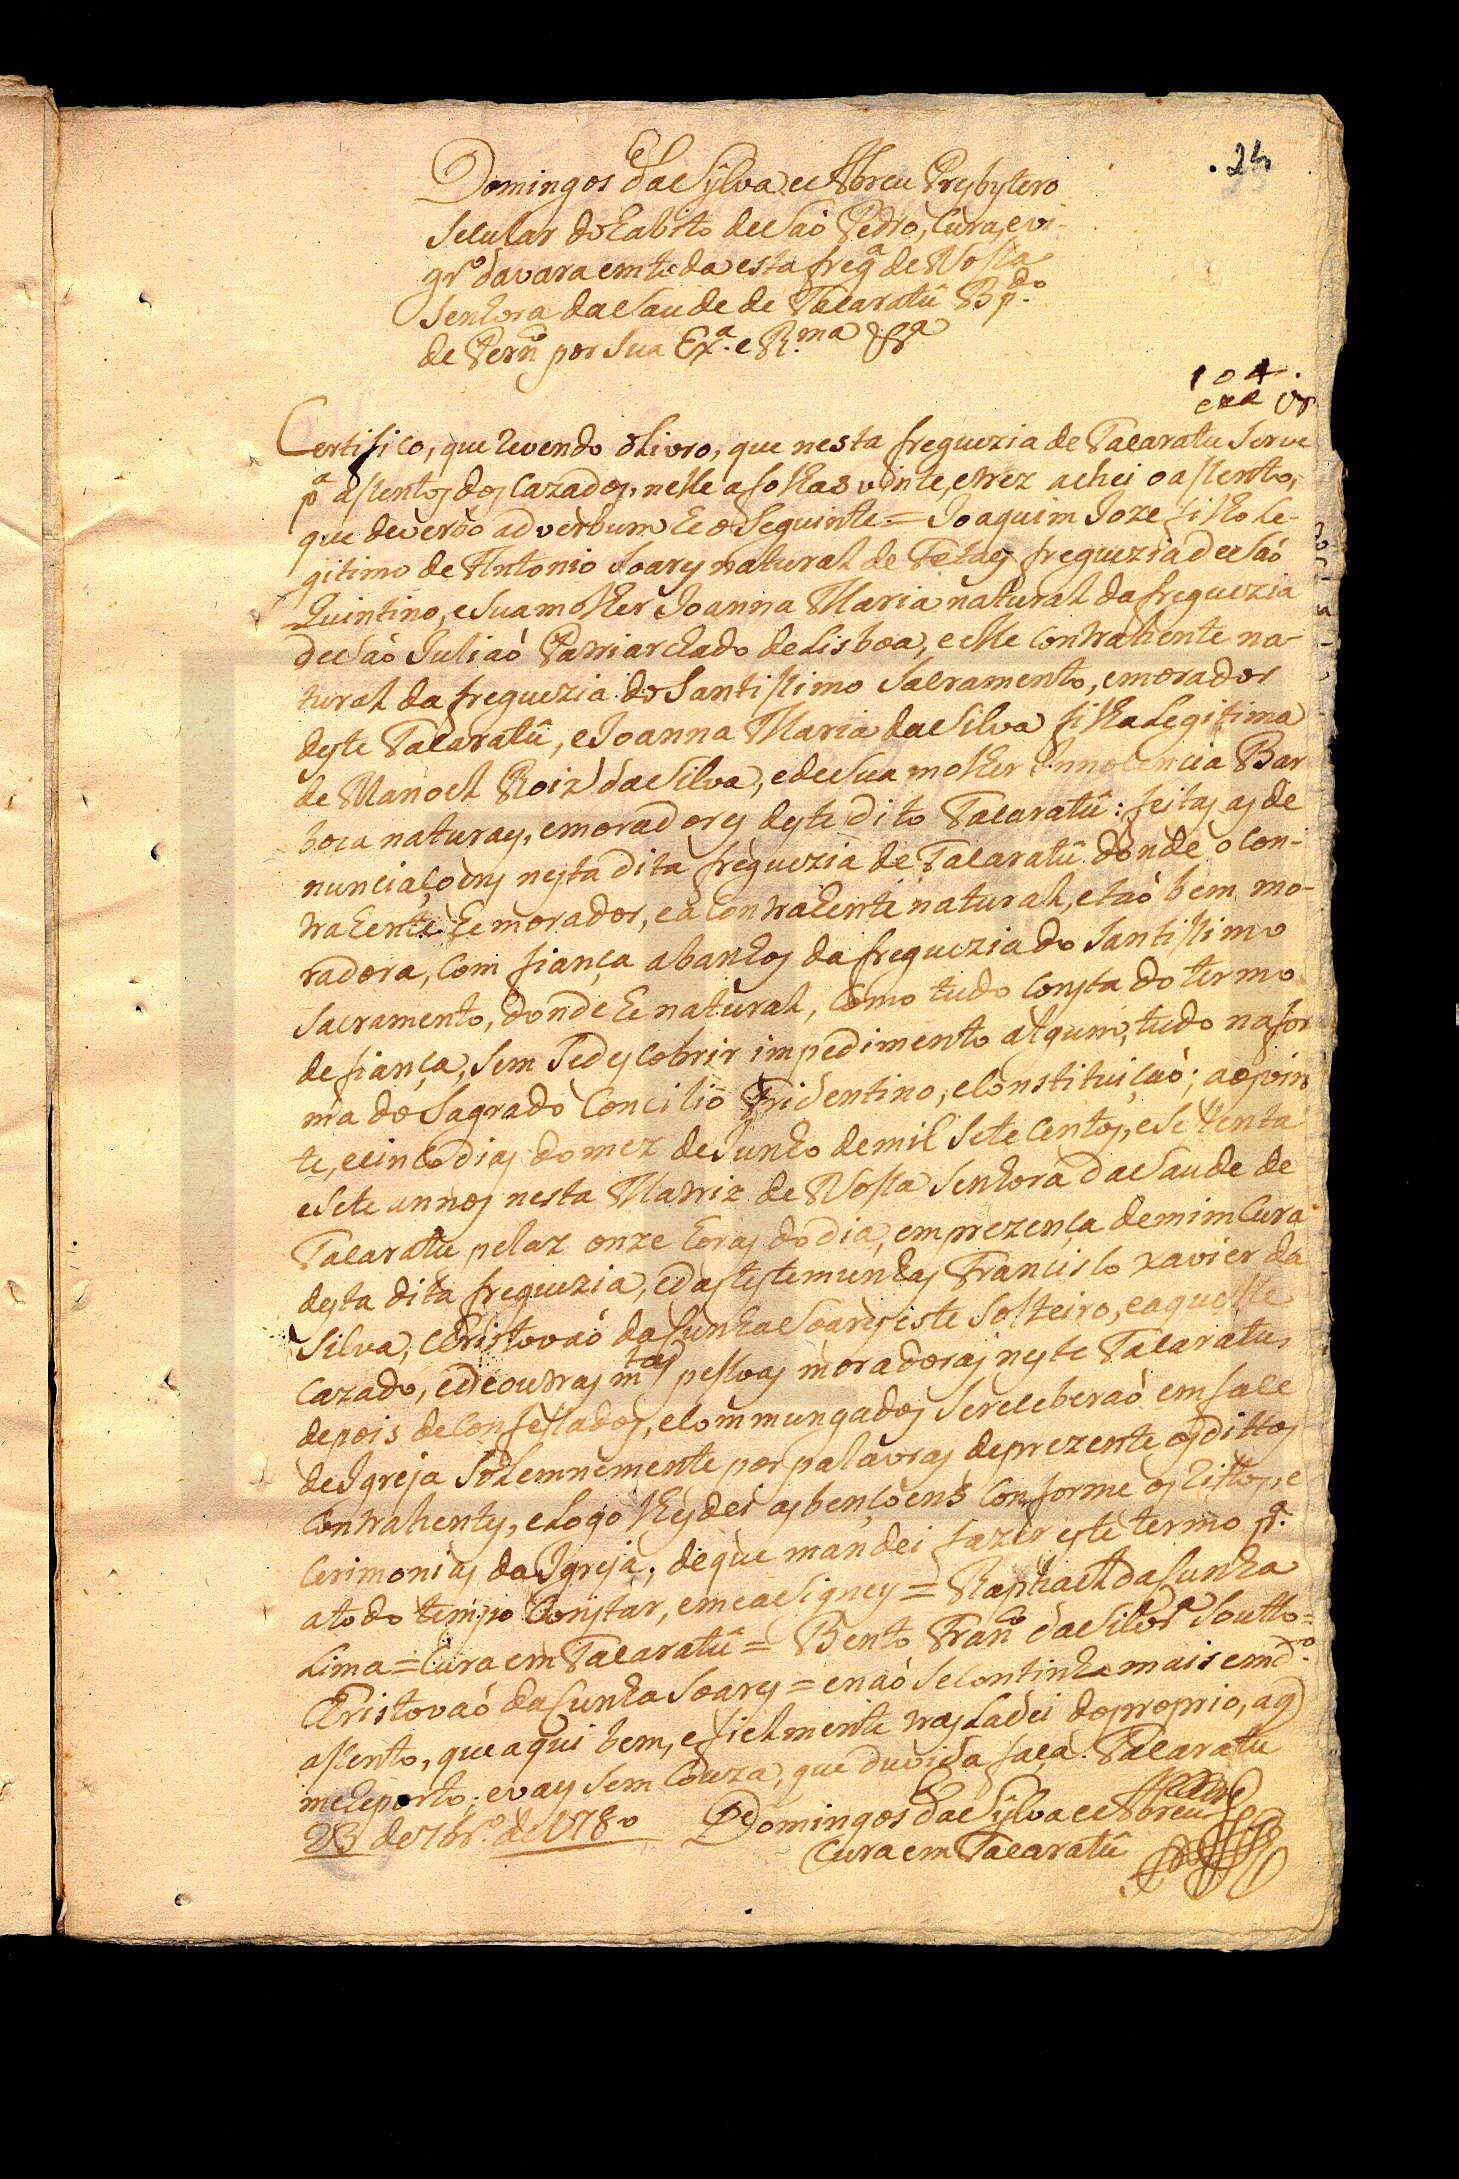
Domingos da Sylva e Abreu Presbytero
Secular do habito de Saõ Pedro, Cura, e vi
gr.o da vara em toda esta freg.a de Nossa
Senhora da Saude de Tacaratú Bp.do
de Pernco por Sua Ex.a e R.ma &ra
104
era cris
Certifico, que Revendo o Livro, que nesta freguezia de Tacaratu serve
pa assentos dos cazados, nelle a folhas vinte, e trez achei o assento;
que deverbo ad verbum he o Seguinte= Ioaquim Ioze filho Le
gitimo de Antonio Soares natural de Fetaes freguezia de Saõ
Quintino, e sua molher Ioanna Maria natural da freguezia
de Saõ Iuliaõ Patriarchado de Lisboa, e elle contrahente na
turaL da freguezia do Santissimo Sacramento, e morador
deste Tacaratú, e Ioanna Maria da Silva filha Legitima
de Manoel Roiz da Silva, e de sua molher Innocencia Bar
boza naturaes, e moradores deste dito Tacaratú: feitas as de
nunciaçoens nesta dita freguezia de Tacaratú donde o con
trahente he morador, e a contrahente naturaL, e taõbem mo
radora, com fiança a banhos da freguezia do Santissimo
Sacramento, donde he naturaL, como tudo consta do termo
de fiança, sem se descobrir impedimento algum, tudo na for
ma do Sagrado Concilio Tridentino, e constituiçaõ; aos vin
te, e cinco dias do mez de Iunho de mil Setecentos, e sessenta
e Sete annos nesta Matriz de Nossa Senhora da Saude de
Tacaratú pelaz onze horas do dia, em prezença de mim Cura
desta dita freguezia, e das testemunhas FrancisCo xavier da
Silva, christovaõ da Cunha Soares este Solteiro, e aquelle
cazado, e de outras mtas pessoas moradoras neste Tacaratu
depois de Confessados, e Commungados Sereceberaõ em face
de Igreja SoLemnemente por palavras de prezente os dittos
contrahentes, e Logo lhes dei as bençoens conforme os Rittos, e
cerimonias da Igreja, de que mandei fazer este termo p.a
a todo tempo Constar, e me asigney= RaphaeL da Cunha
Lima= Cura em Tacaratú= Bento Franco da Silvra Soutto
Christovaõ da Cunha Soares= e naõ se Continha mais em d.o
assento, que aqui bem, e fielmente trasLadei do proprio, a q̄
me Reporto; e vay sem Couza, que duvida faça Tacaratu
23 de 7bro de 1780 Domingos da Sylva e Abreu
Cura em Tacaratú
